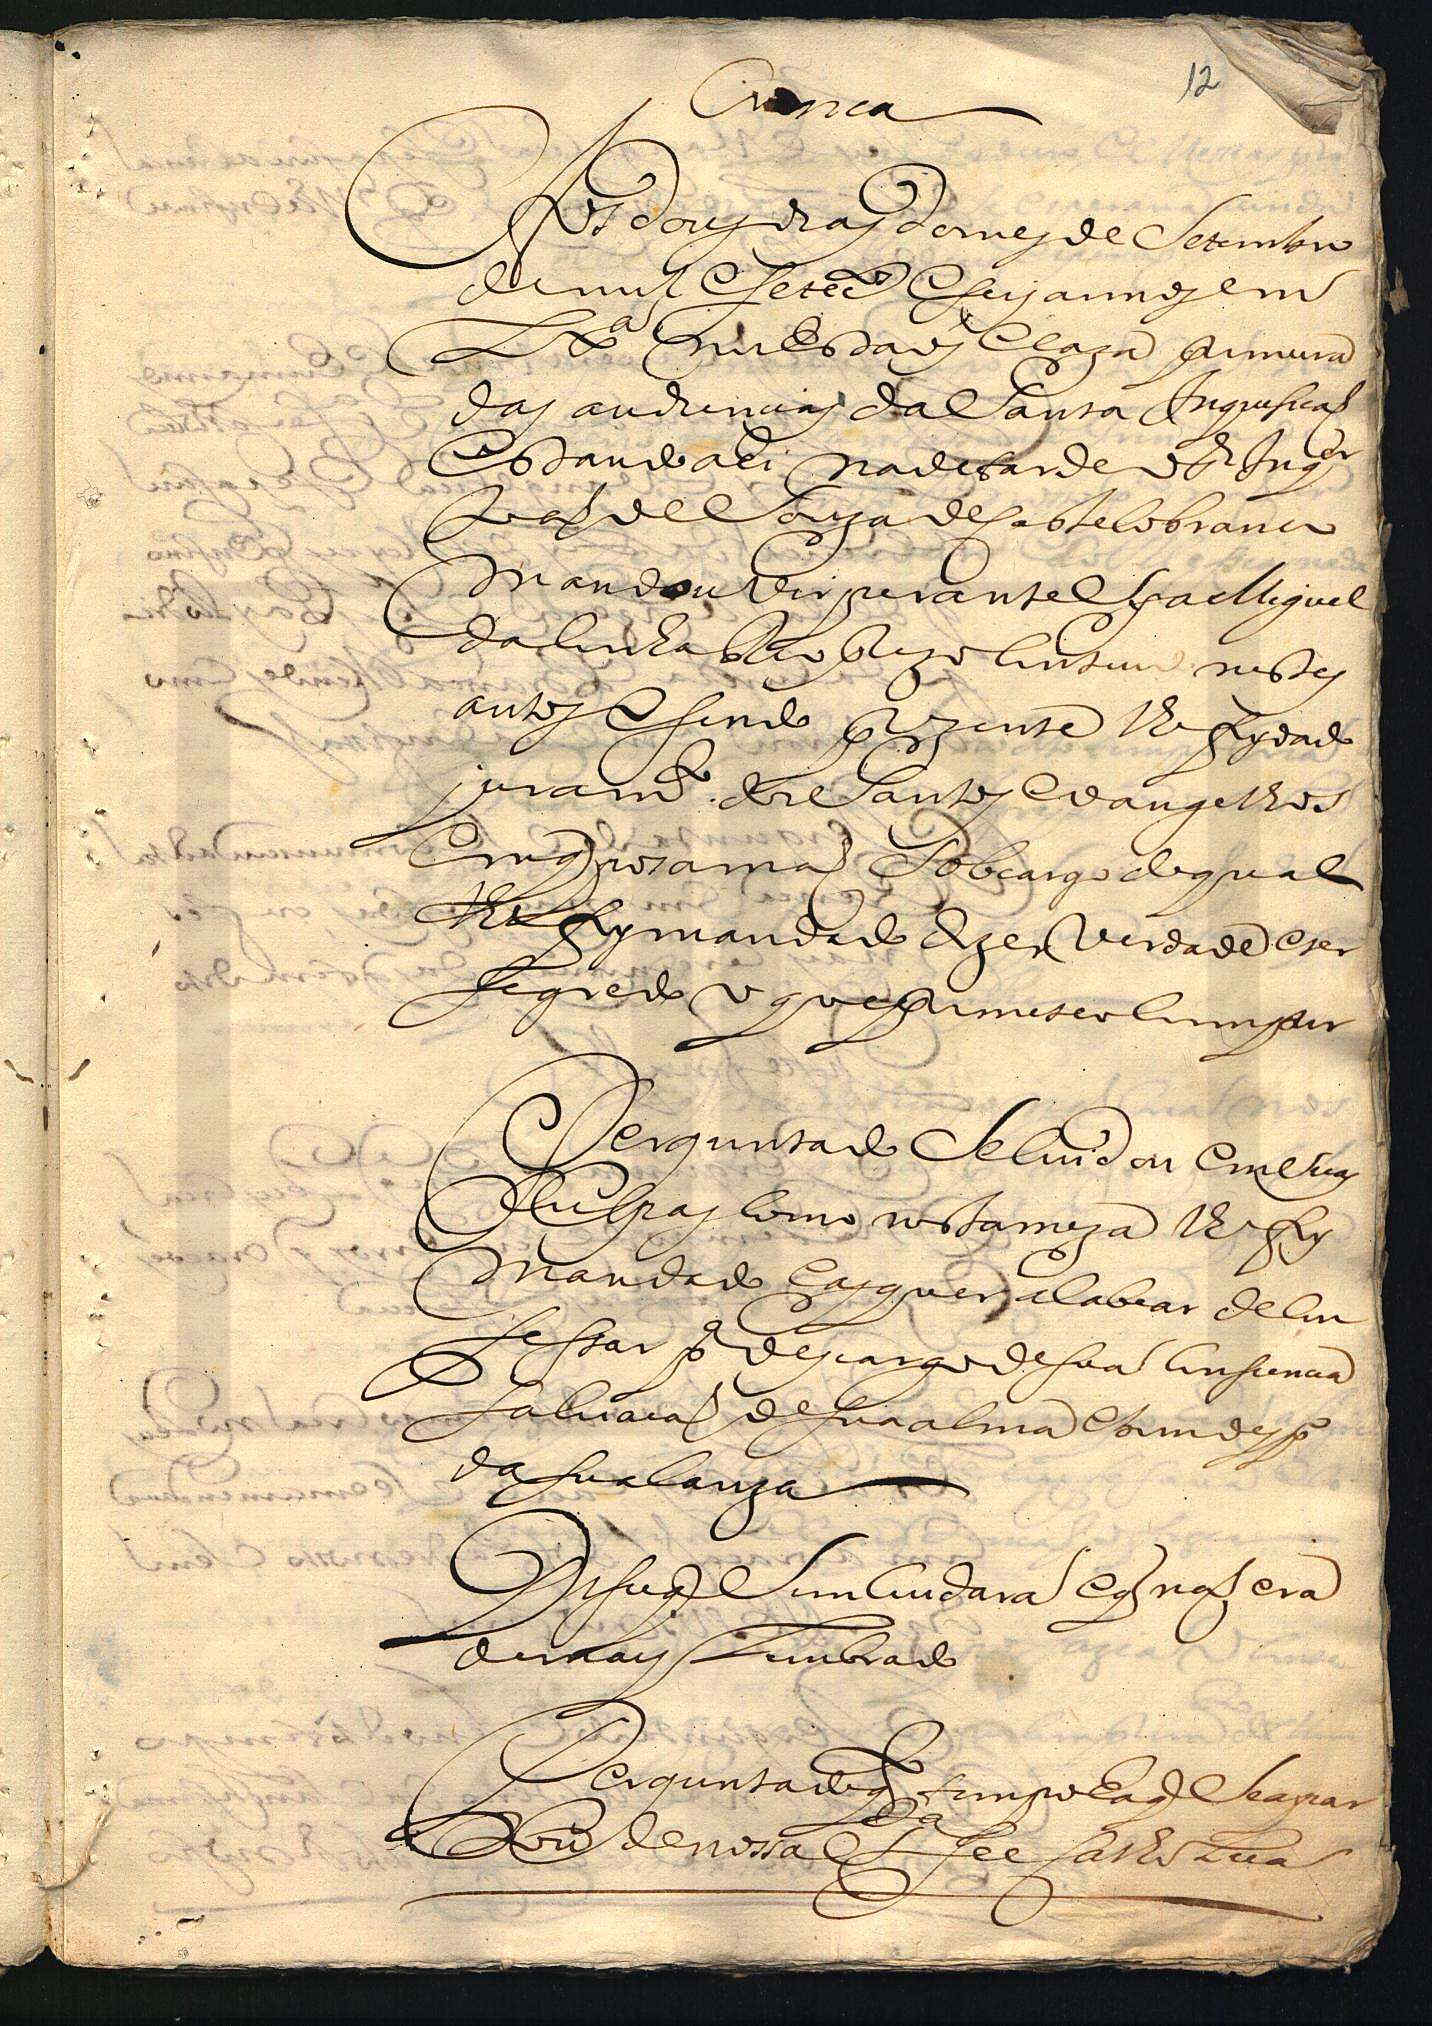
Cr_nça
Aos dous dias do mes de Setembro
de mil e setectos E seis annos em
Lxa nos Estaós e caza primeira
das audiencias da Santa Inquisiçaꝭ
Estando ahi na de tarde o sor Inqor
Ioaꝭ de Souza de Castelobranco
mandou vir perante Sy a Miguel
da Cunha Reo pRezo conteudo nestes
autos E sendo prezente lhe foy dado
juramto dos Santos evangelhos
Em q̄ pos a maõ Sob cargo do qual
lhe foy mandado dizer verdade e ter
segredo o que prometeo cumprir
Perguntado Se Cuidou em suas
Culpas como nesta meza lhe foy
mandado E as quer acabar de con
fessar pa descargo de sua consiencia
saluaçaõ de sua alma e bom despo
da sua cauza
Disse q̄ Sim Cuidara e q̄ naõ era
de mais Lembrado
Perguntado q̄ tempo ha q̄ Se apar
tou de nossa Sta fee CathoLica
